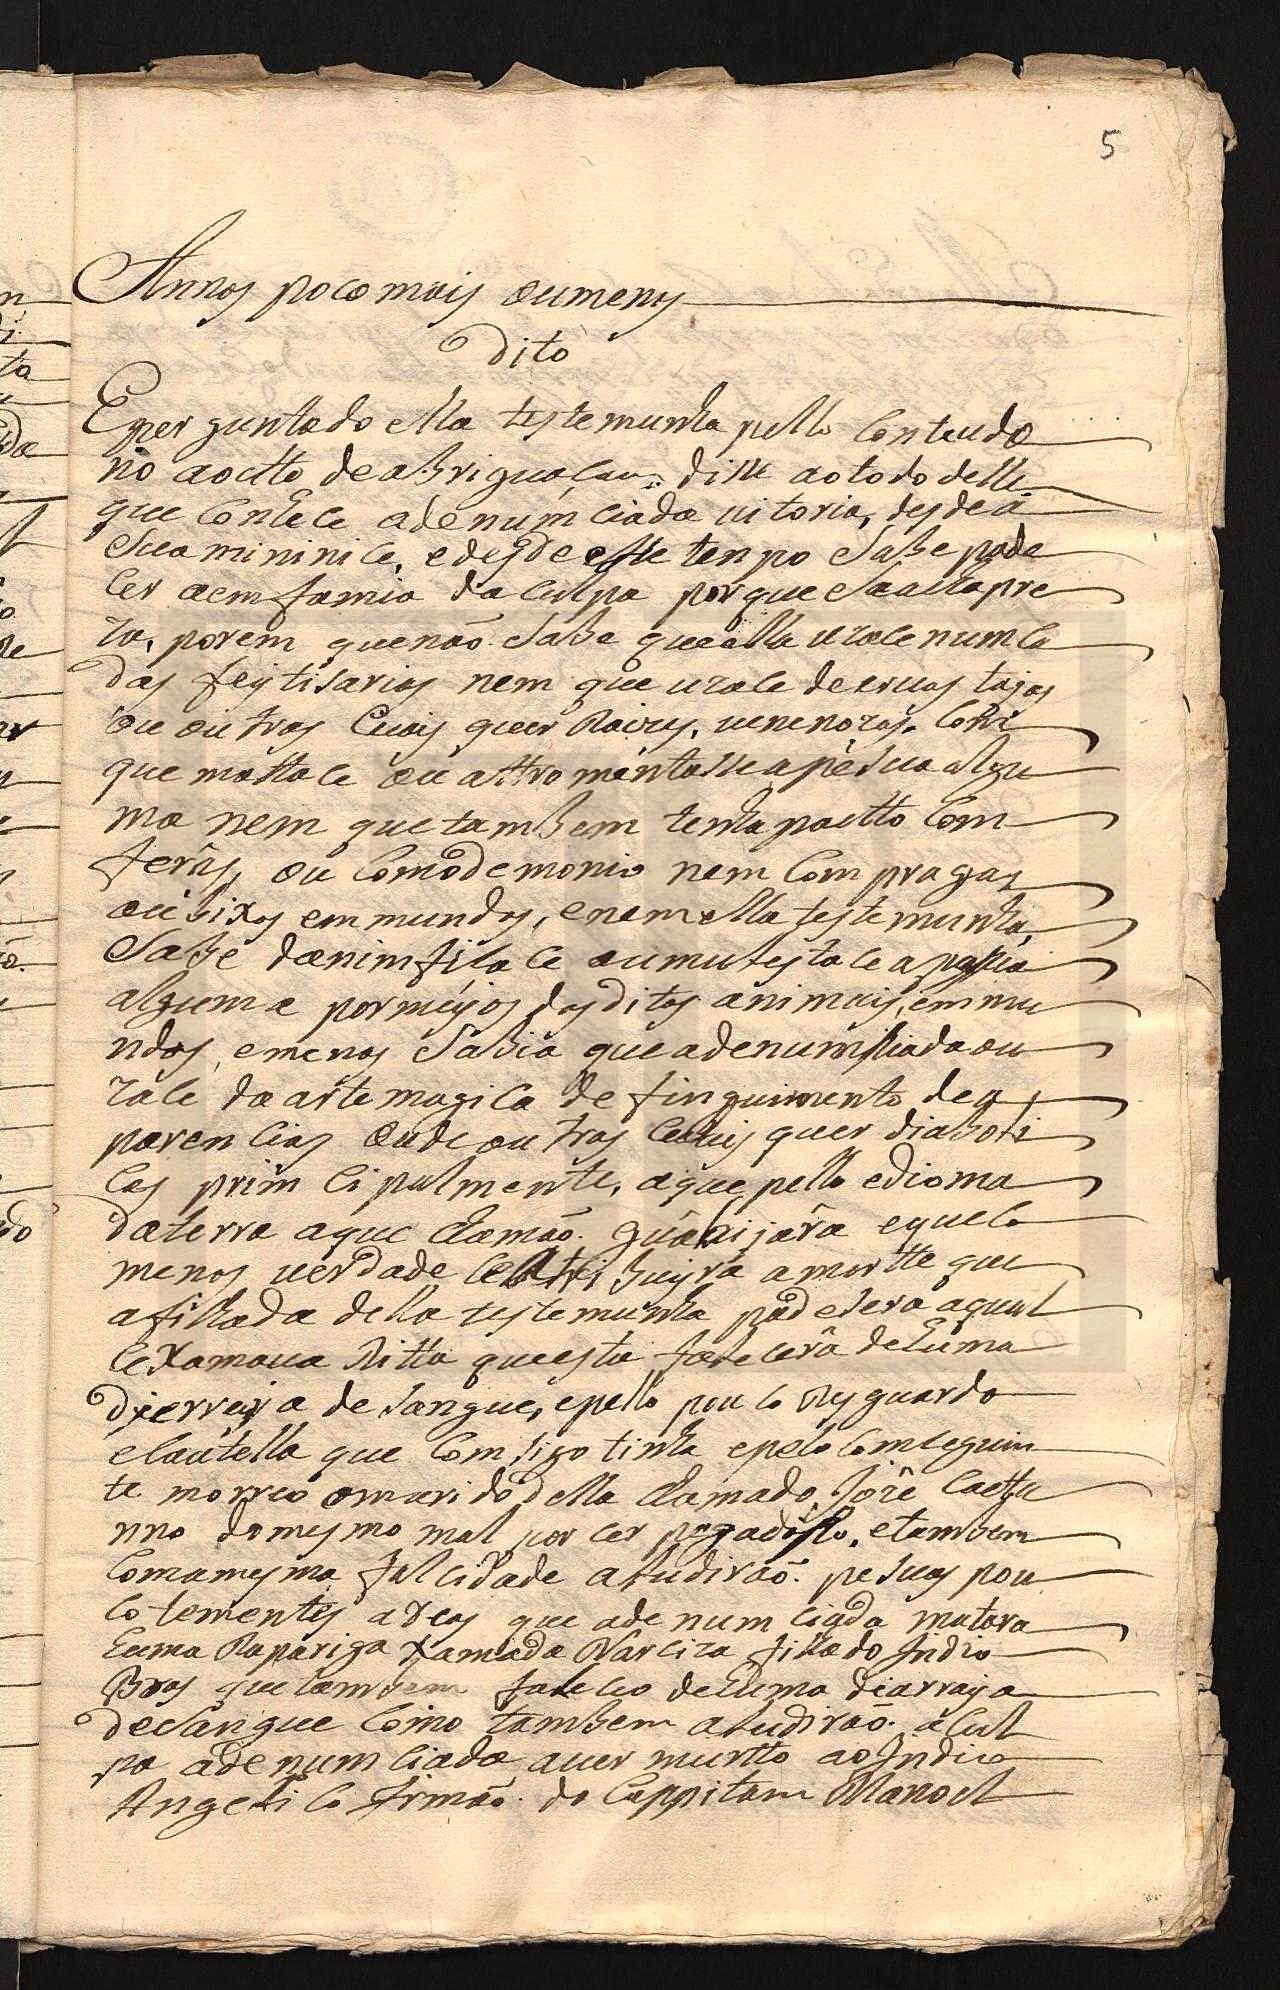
Annos poco mais ou menos
dito
E perguntado ella testemunha pello Conteudo
no aoctto de abriguaçam disse ao todo delle
que conhece a denumciada uitoria, desde á
sua mininice, e desde este tenpo sabe pade
cer a emfamia da culpa porque se acha pre
za, porem que naõ sabe que ella uzace numca
das feytisarias nem que uzace de eruas tajas
ou outras cuaisquer Raizes, uenenozas, com
que mattace ou attromentasse a pesua algu
ma nem que tambem tenha pactto com
ferás ou Com o demonio nem Com pragas
ou bixas emmundas, e nem ella testemunha,
sabe danimfiçace ou mutestace a pessua
alguma por meyos dos ditos animais, em mu
ndos, e menos sabia que a denumsiada ou
zace da arte magica de fingimento de a
parencias ou de outras ceitas quer diaboli
cas primcipalmente, a que pello edioma
da terra a que chamão guábijará e que Co
menos uerdade se atribuyra a mortte que
afilhada della testemunha pode sera a qual
ce xamaua Ritta que esta faLecerá de huma
dyerreya de Sangue, e pello pouco Resguardo
e Cautella que Comsigo tinha e pelo comceguin
te morreo o marido della chamado Jozé Caetta
nno do mesmo mal por cer pegadosso, e tambem
com a mesma falcidade aLudiraõ pesuas pou
co tementes a Deos que a denumciada matara
huma Rapariga xamada Narciza filha do Jndio
Bras que tambem faleceo de huma diarraya
de Sangue como tambem aLudiraõ a Cul
pa a denumciada auer murtto ao Jndio
Angelico Jrmão do Cappitam ManoeL
